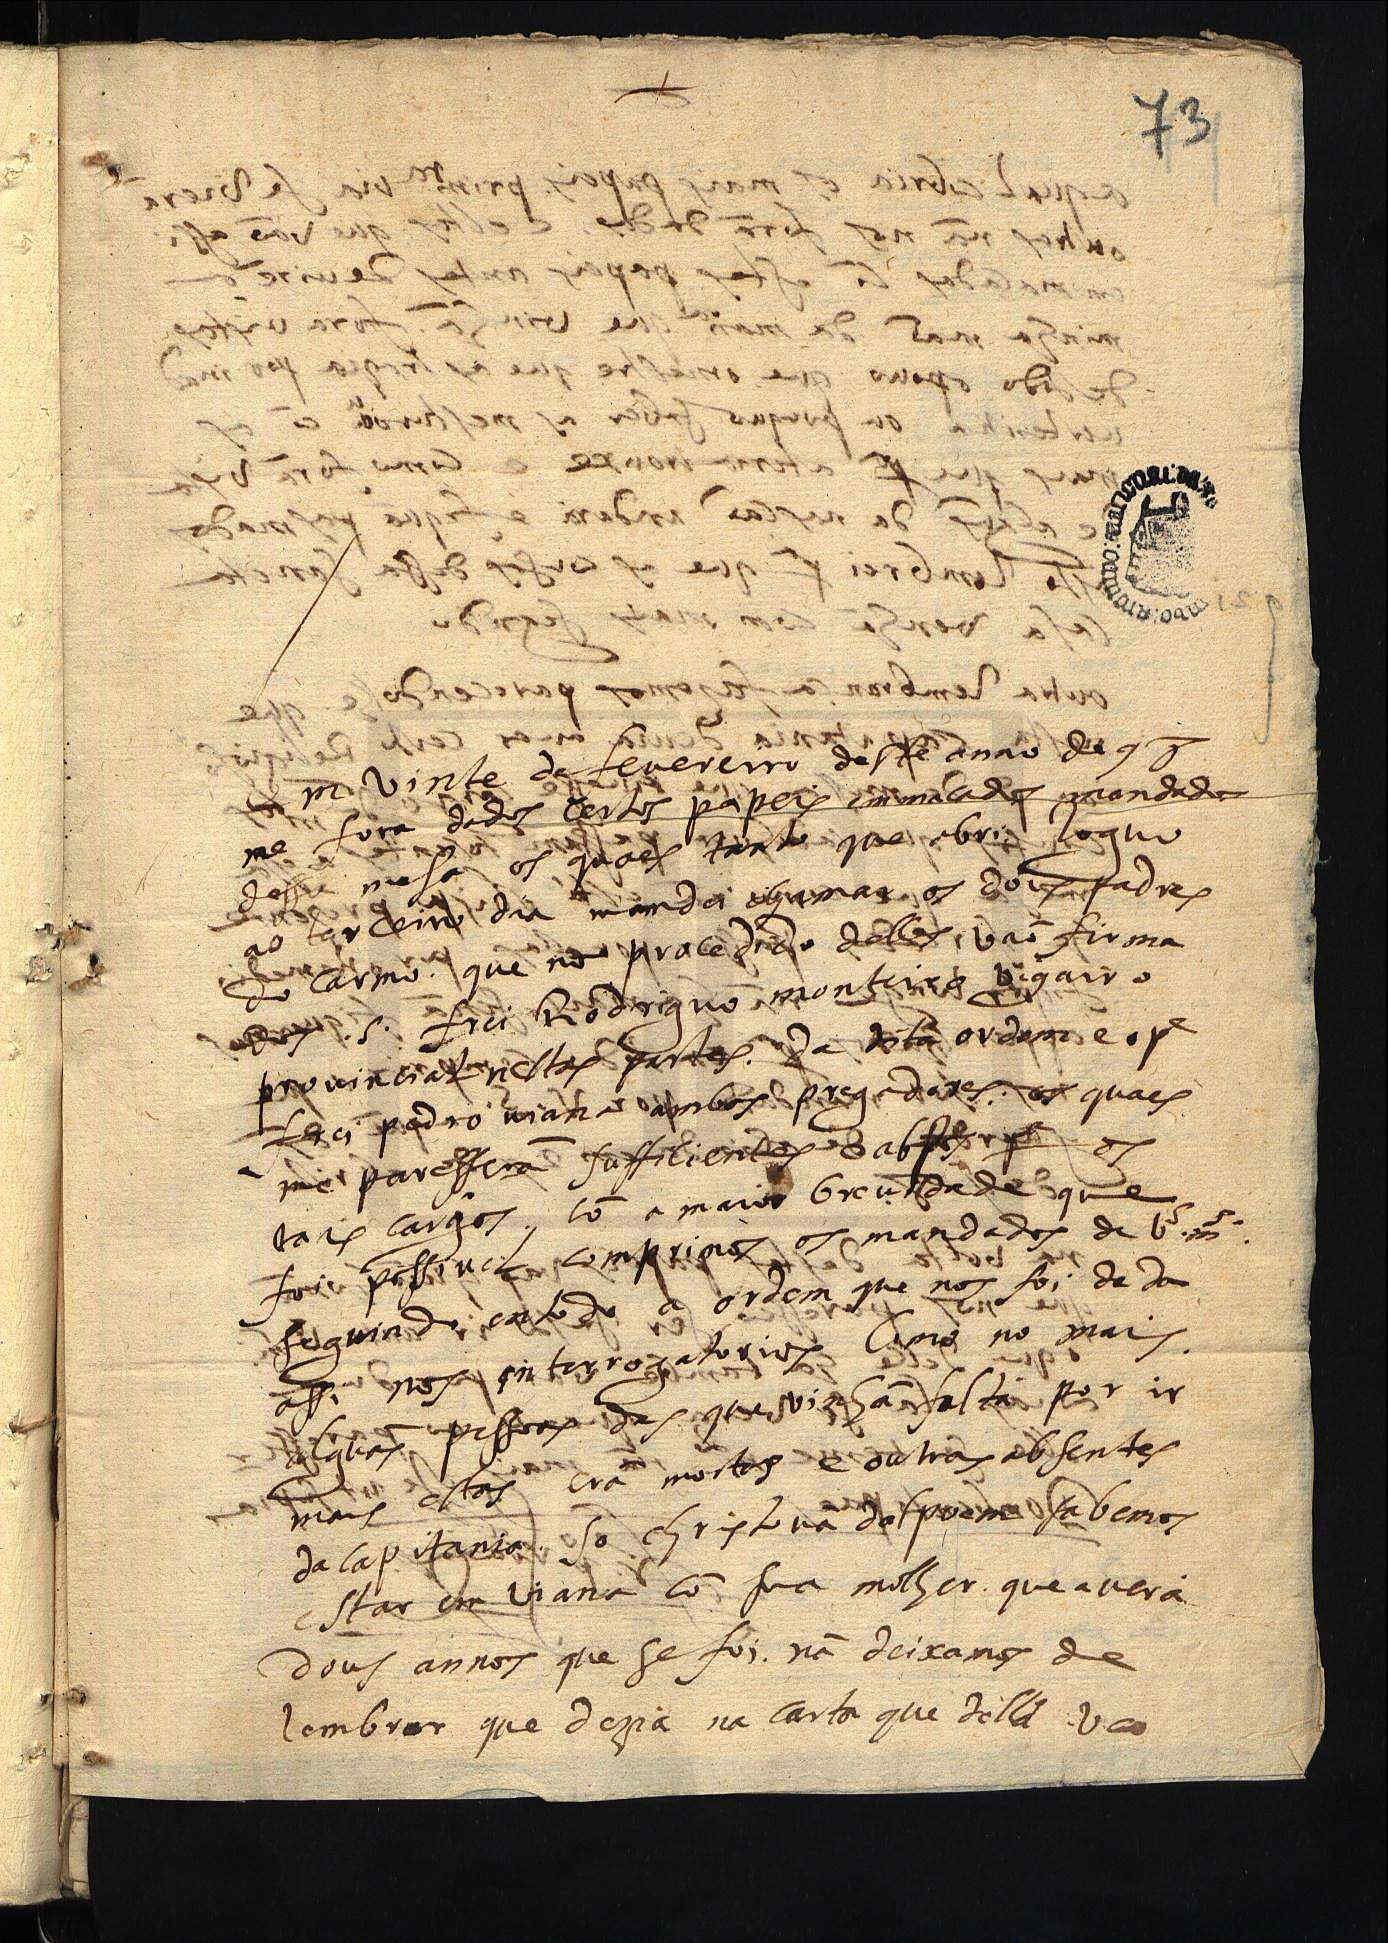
Em vinte de feuereiro deste anno de 98
me fora dados certos papeis emmacados mandados
dessa mesa os quaes tanto que abri loguo
ao terceiro dia mandei chamar os dois padres
do carmo que no procedido delles vaõ firma
dos .s. frei Rodriguo monteiro vigairo
prouinciaL nestas partes. da dita ordem e o pe
frei pedro uiana ambos pregadores os quaes
me paresserā sufficientes e abtos ꝑa os
tais cargos . cō a maior breuidade que
foi possiueL comprimos os mandados de vs. ms.
seguindo en todo a ordem que nos foi dada
assi nos interrogatorios Como no mais
alguas̄ pessoas das que vinhā falta por ir
mais estas erā mortas e outras absentes
da capitania . so christouā dalpoem sabemos
estar em viana cō sua molher que auera
dous annos que se foi. nā deixamos de
lembrar que dezia na carta que della veo
